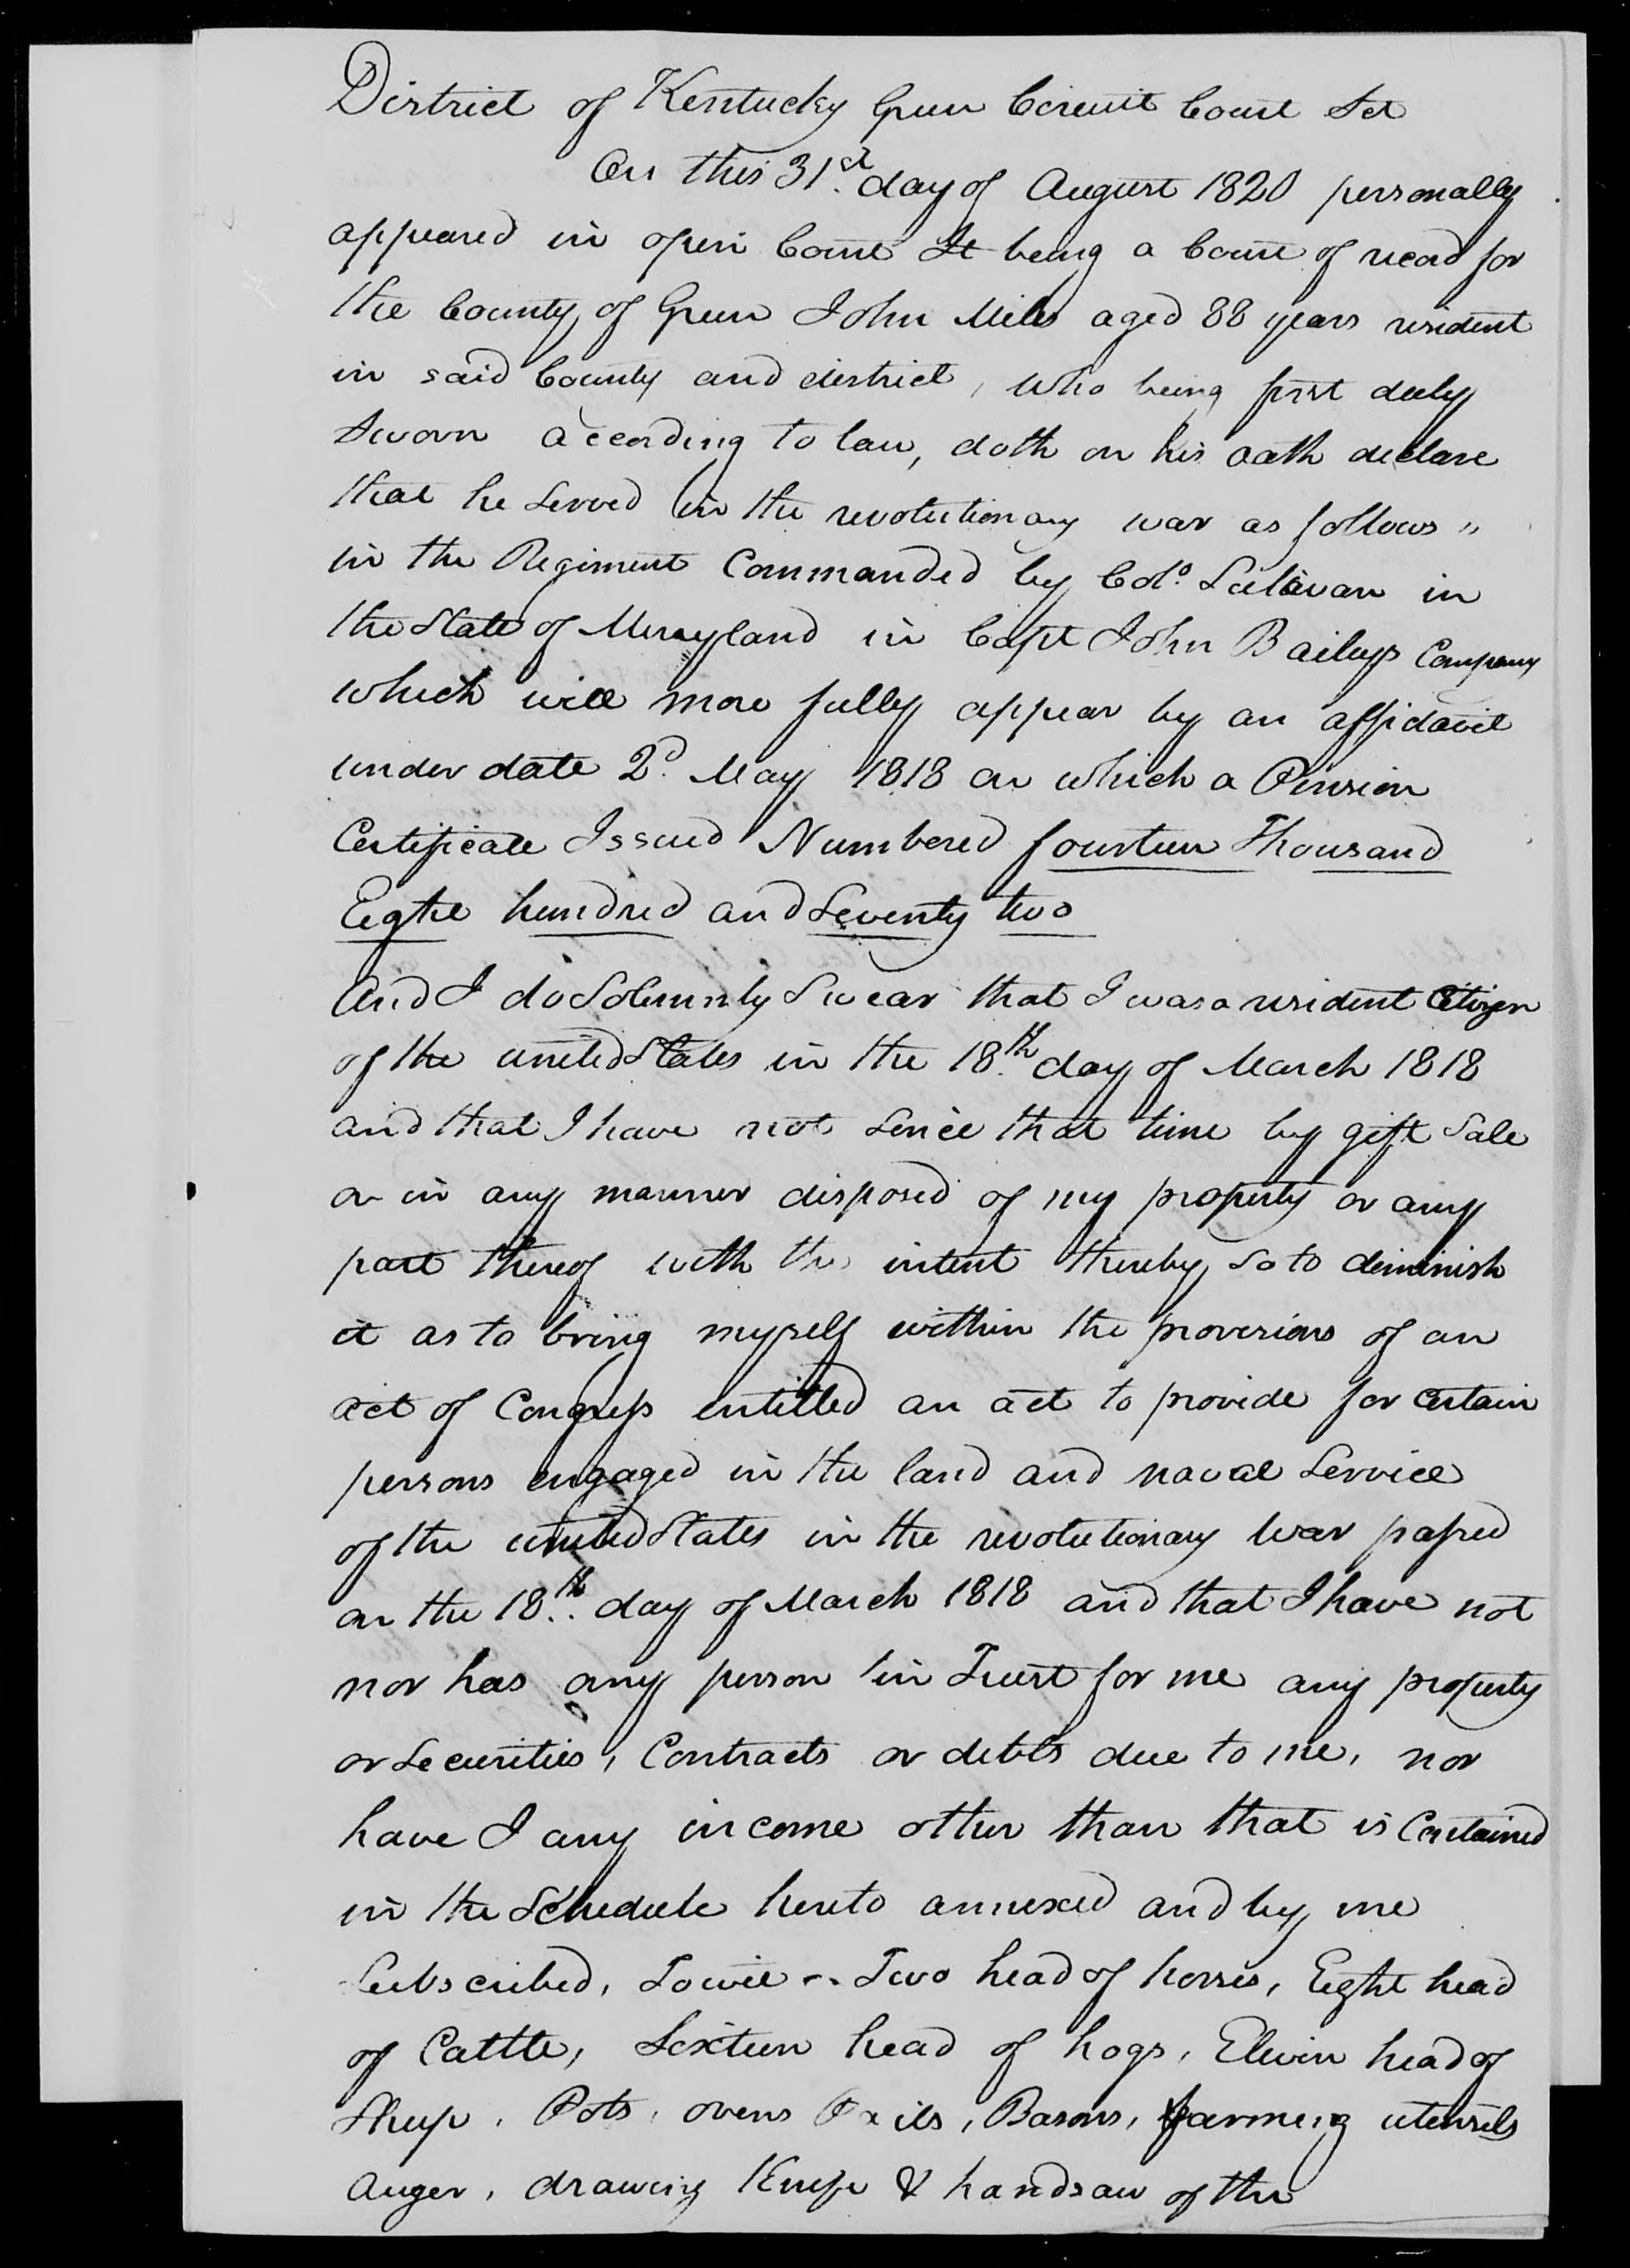District of Kentucky Green Circuit Court Set 
On this 31. day of August 1820 personally appeared in open court It being a Court It being a Court of record for the County of Green John Miles aged 88 years resident in said County and district, who being first duly Sworn according to law, doth on his oath declare that he served in the revolutionary was as follows "in the Regiment Commanded by Col. Sullivan in the State of Maryland in Capt John Baileys Company which will more fully appear by an affidavit under date 2d May 1818 as which a pension certificate Issued Number fourteen Thousand Eight hundred and Seventy two
and I do solemnly swear that I was a resident citizen of the United States in the 18th day of March 1818 and that I have not since that time by gift sale or in any manner disposed of my property or any part thereof with the intent thereby so to diminish it as to bring myself within the provisions of an act of Congress entitled an act to provide for certain persons engaged in the land and naval service of the United States in the revolutionary was paper on the 18th day of March 1818 and that I have not nor has any person in Trust for any property or securities, contracts or debts, due to me, nor have I any income other than that is  contained in the schedule hereto annexed and by me subscribed, So wit - Two head of horses,  Eight head of Cattle, Sixteen head of hogs, Eleven head of Sheep, Pots, ovens, Pails, Basons, farming utensils, auger, drawing Knife & handsaw of the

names: John Miles; [BLANK] Sulivan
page: 4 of 24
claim: survivor's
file: S 36138, for John Miles, Maryland